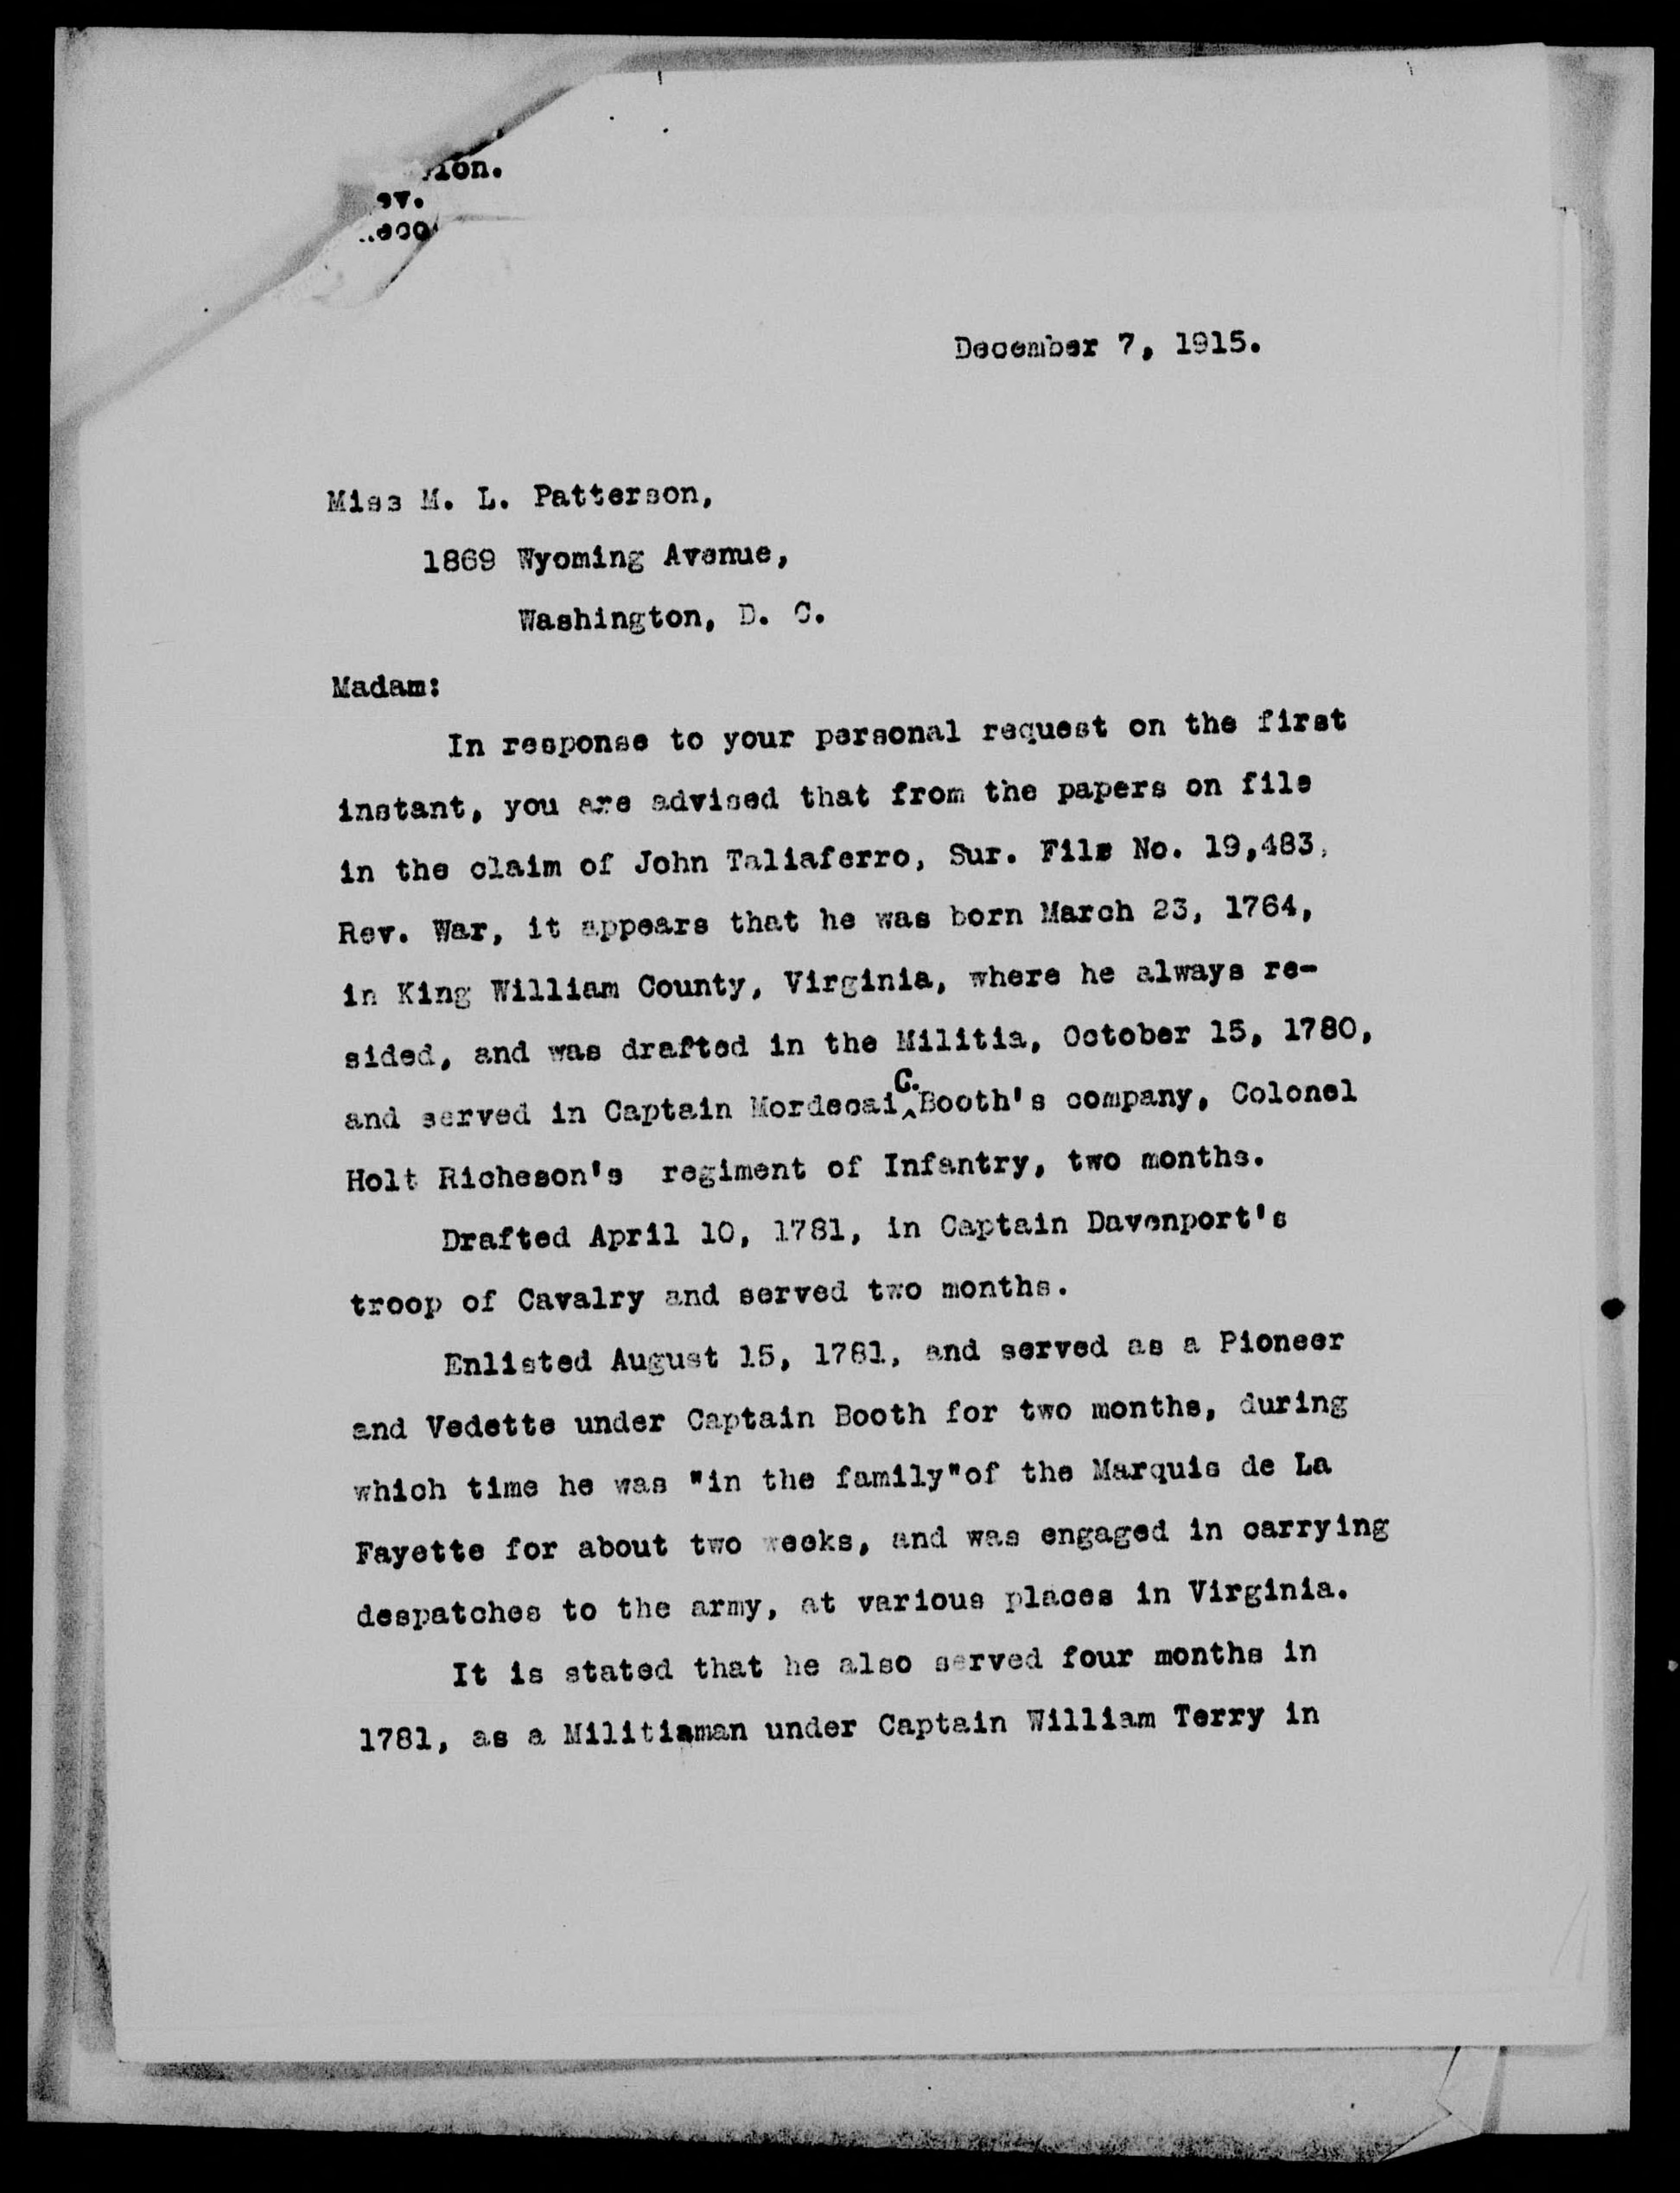[upper left corner partially obscured]
ion. 
ev. 
eco

December 7, 1915

Miss M. L. Patterson
1869 Wyoming Avenue, 
Washington, D.C.

Madam:
In response to your personal request on the first instant, you are advised that from the papers on file in the claim of John Taliaferro, Sur. File No 19,483, Rev. War, it appears that he was born on March 23, 1764, in King William County, Virginia, where he always resided, and was drafted in the Militia, October 15, 1780, and served in Captain Mordecai C. Booth's company, Colonel Holt Richeson's regiment of Infantry, two months. 

Drafted April 10, 1781, in Captain Davenport's troop of Cavalry and served two months. 

Enlisted August 15, 1781, and served as a Pioneer and Vedette under Captain Booth for two months, during which time he was "in the family of" the Marquis de La Fayette for about two weeks, and was engaged in carrying dispatches to the army, at various places in Virginia. 

It is stated that he also served four months in 1781, as a Militiaman under Captain William Terry in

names: Marquis De La Fayette; William Terry; M L Patterson; John Taliaferro; [BLANK] Booth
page: 13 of 34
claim: survivor's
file: S. 19483, for John Taliaferro, Virginia